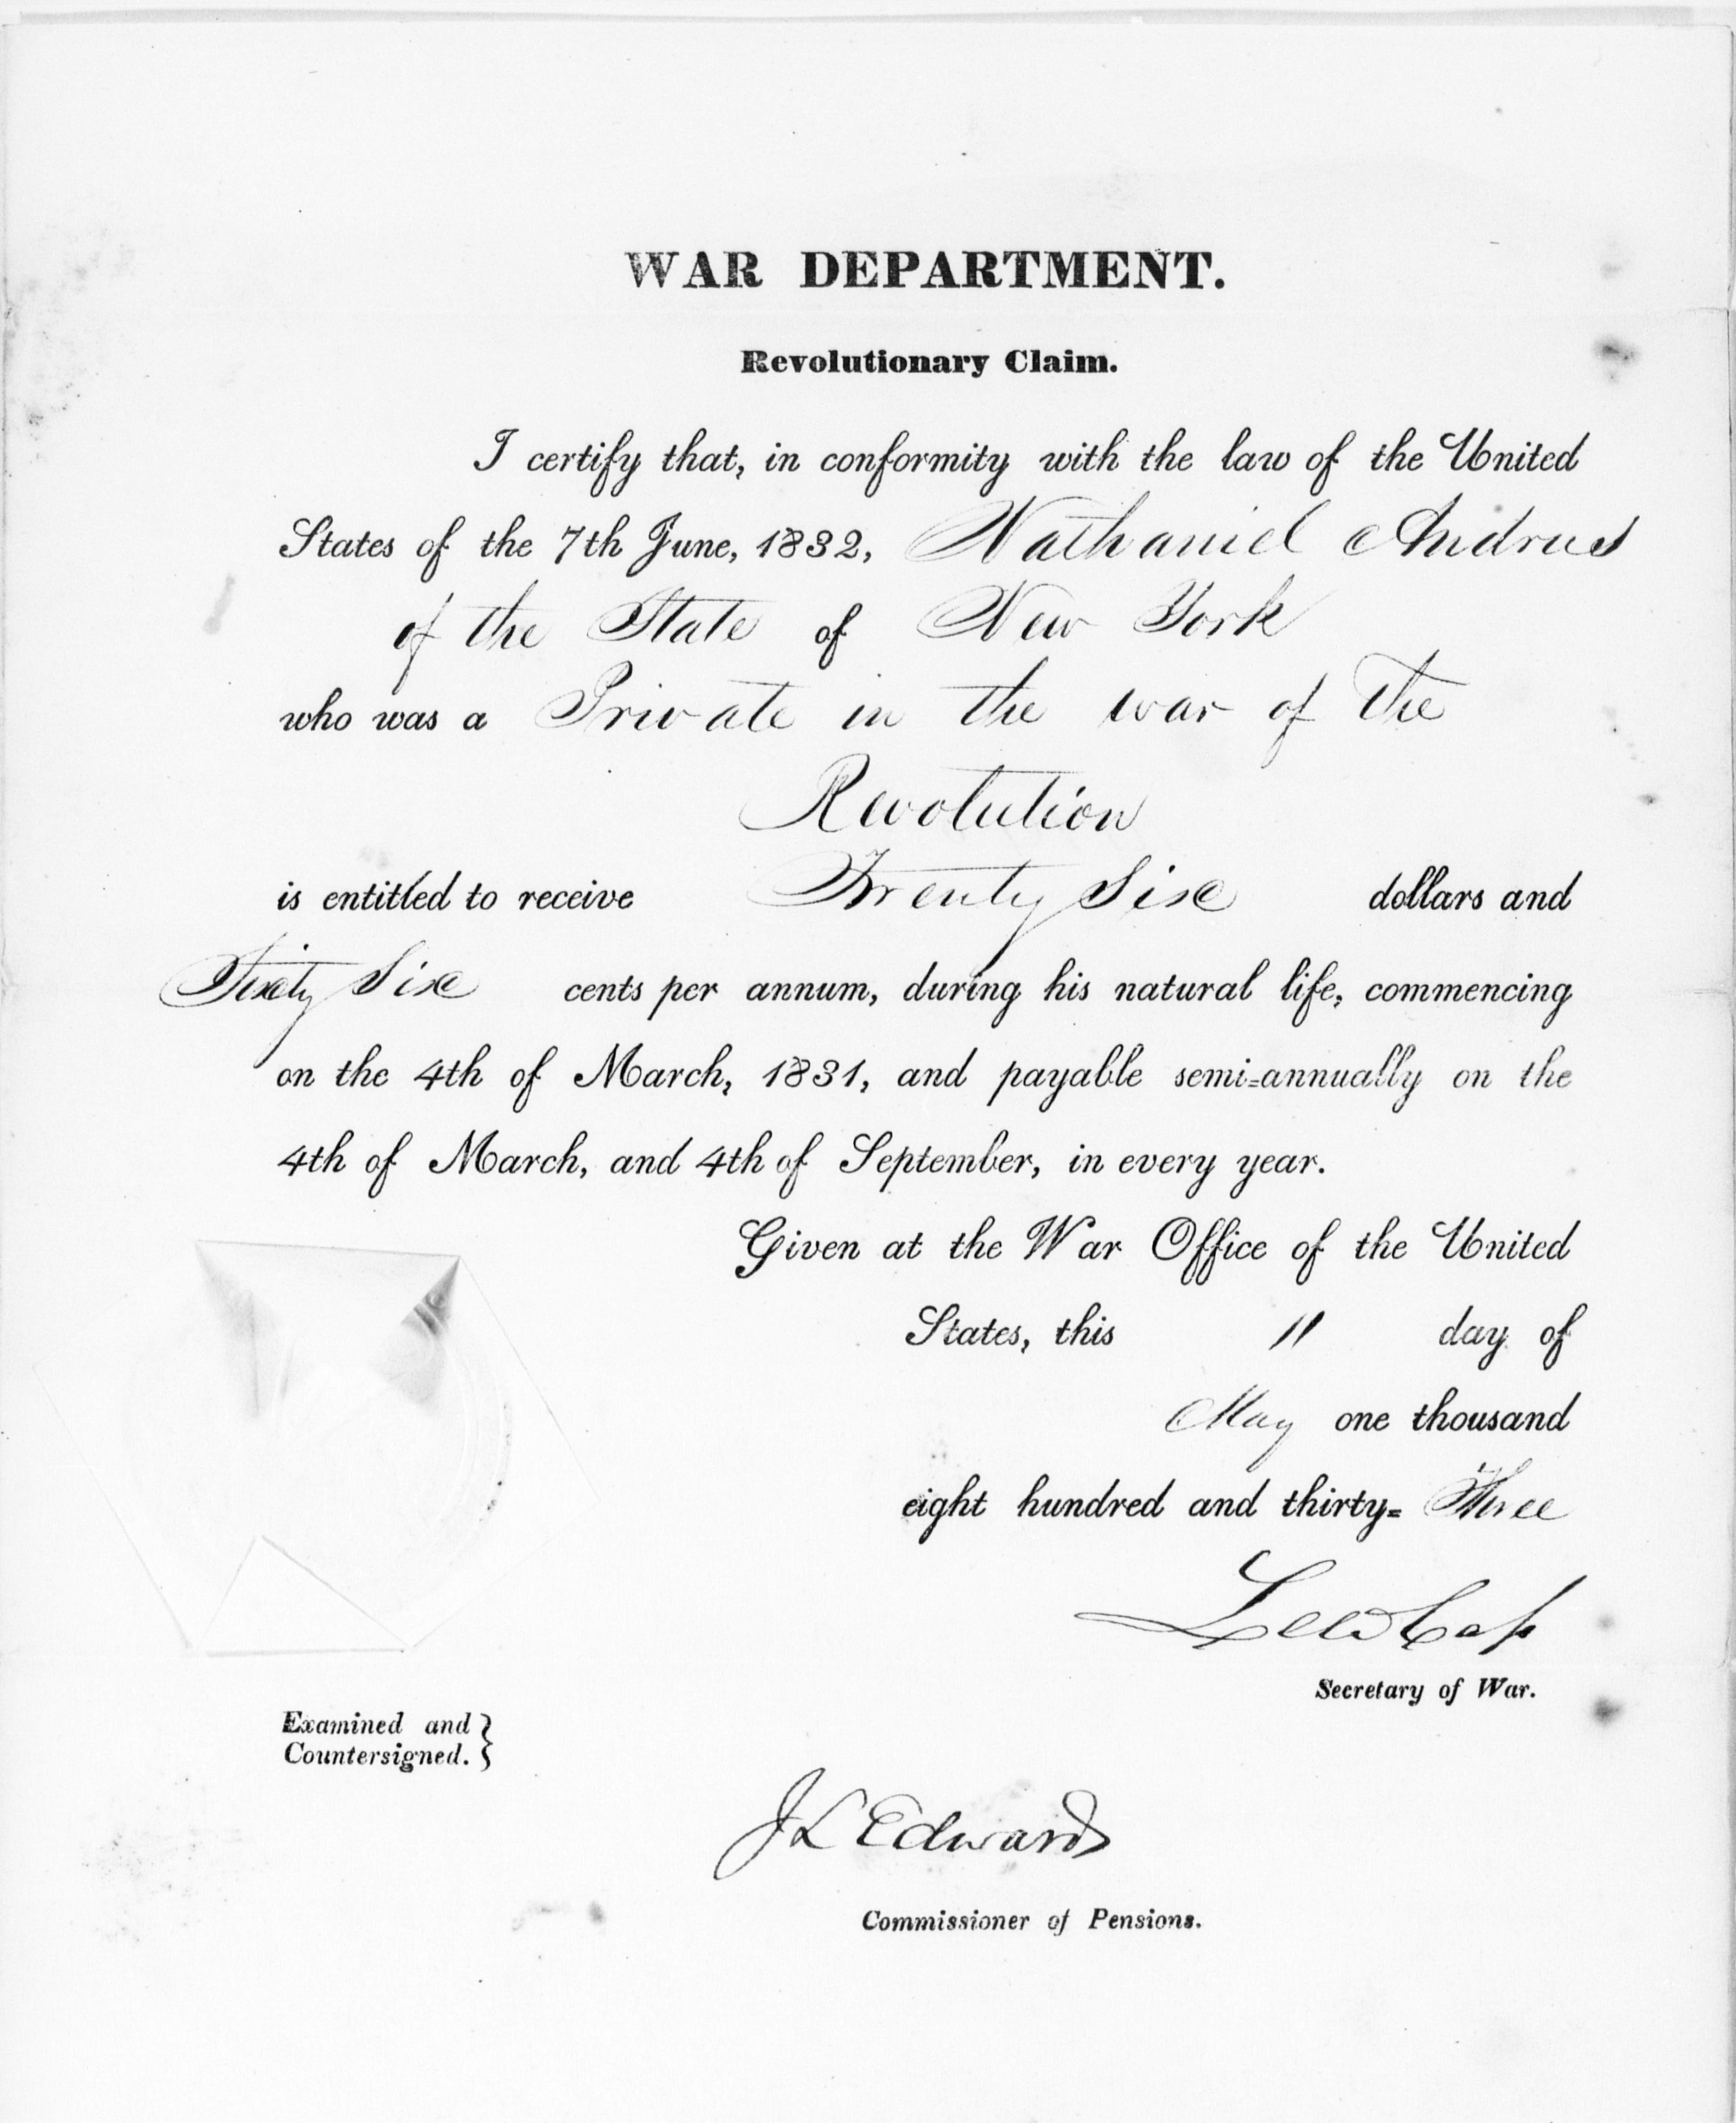WAR DEPARTMENT.
Revolutionary Claim.
I certify that, in conformity with the law of the United 
States of the 7th June, 1832, Nathaniel Andrews
of the State of New York
who was a Private in the war of the
Revolution
is entitled to receive Twenty Six dollars and
Sixty Six cents per annum, during his natural life, commencing
on the 4th of March, 1831, and payable semi-annually on the
4th of March, and 4th of September, in every year.
Given at the War Office of the United 
States, this 11 day of
May one thousand
eight hundred and thirty-three
Lew Cap
Secretary of War.
Examined and
Countersigned.
J L Edwards
Commissioner of Pensions.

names: J L Edwards, Nathaniel Andrus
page: 61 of 78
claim: widow's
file: W. 4117, Nathaniel Bradley, Conn.